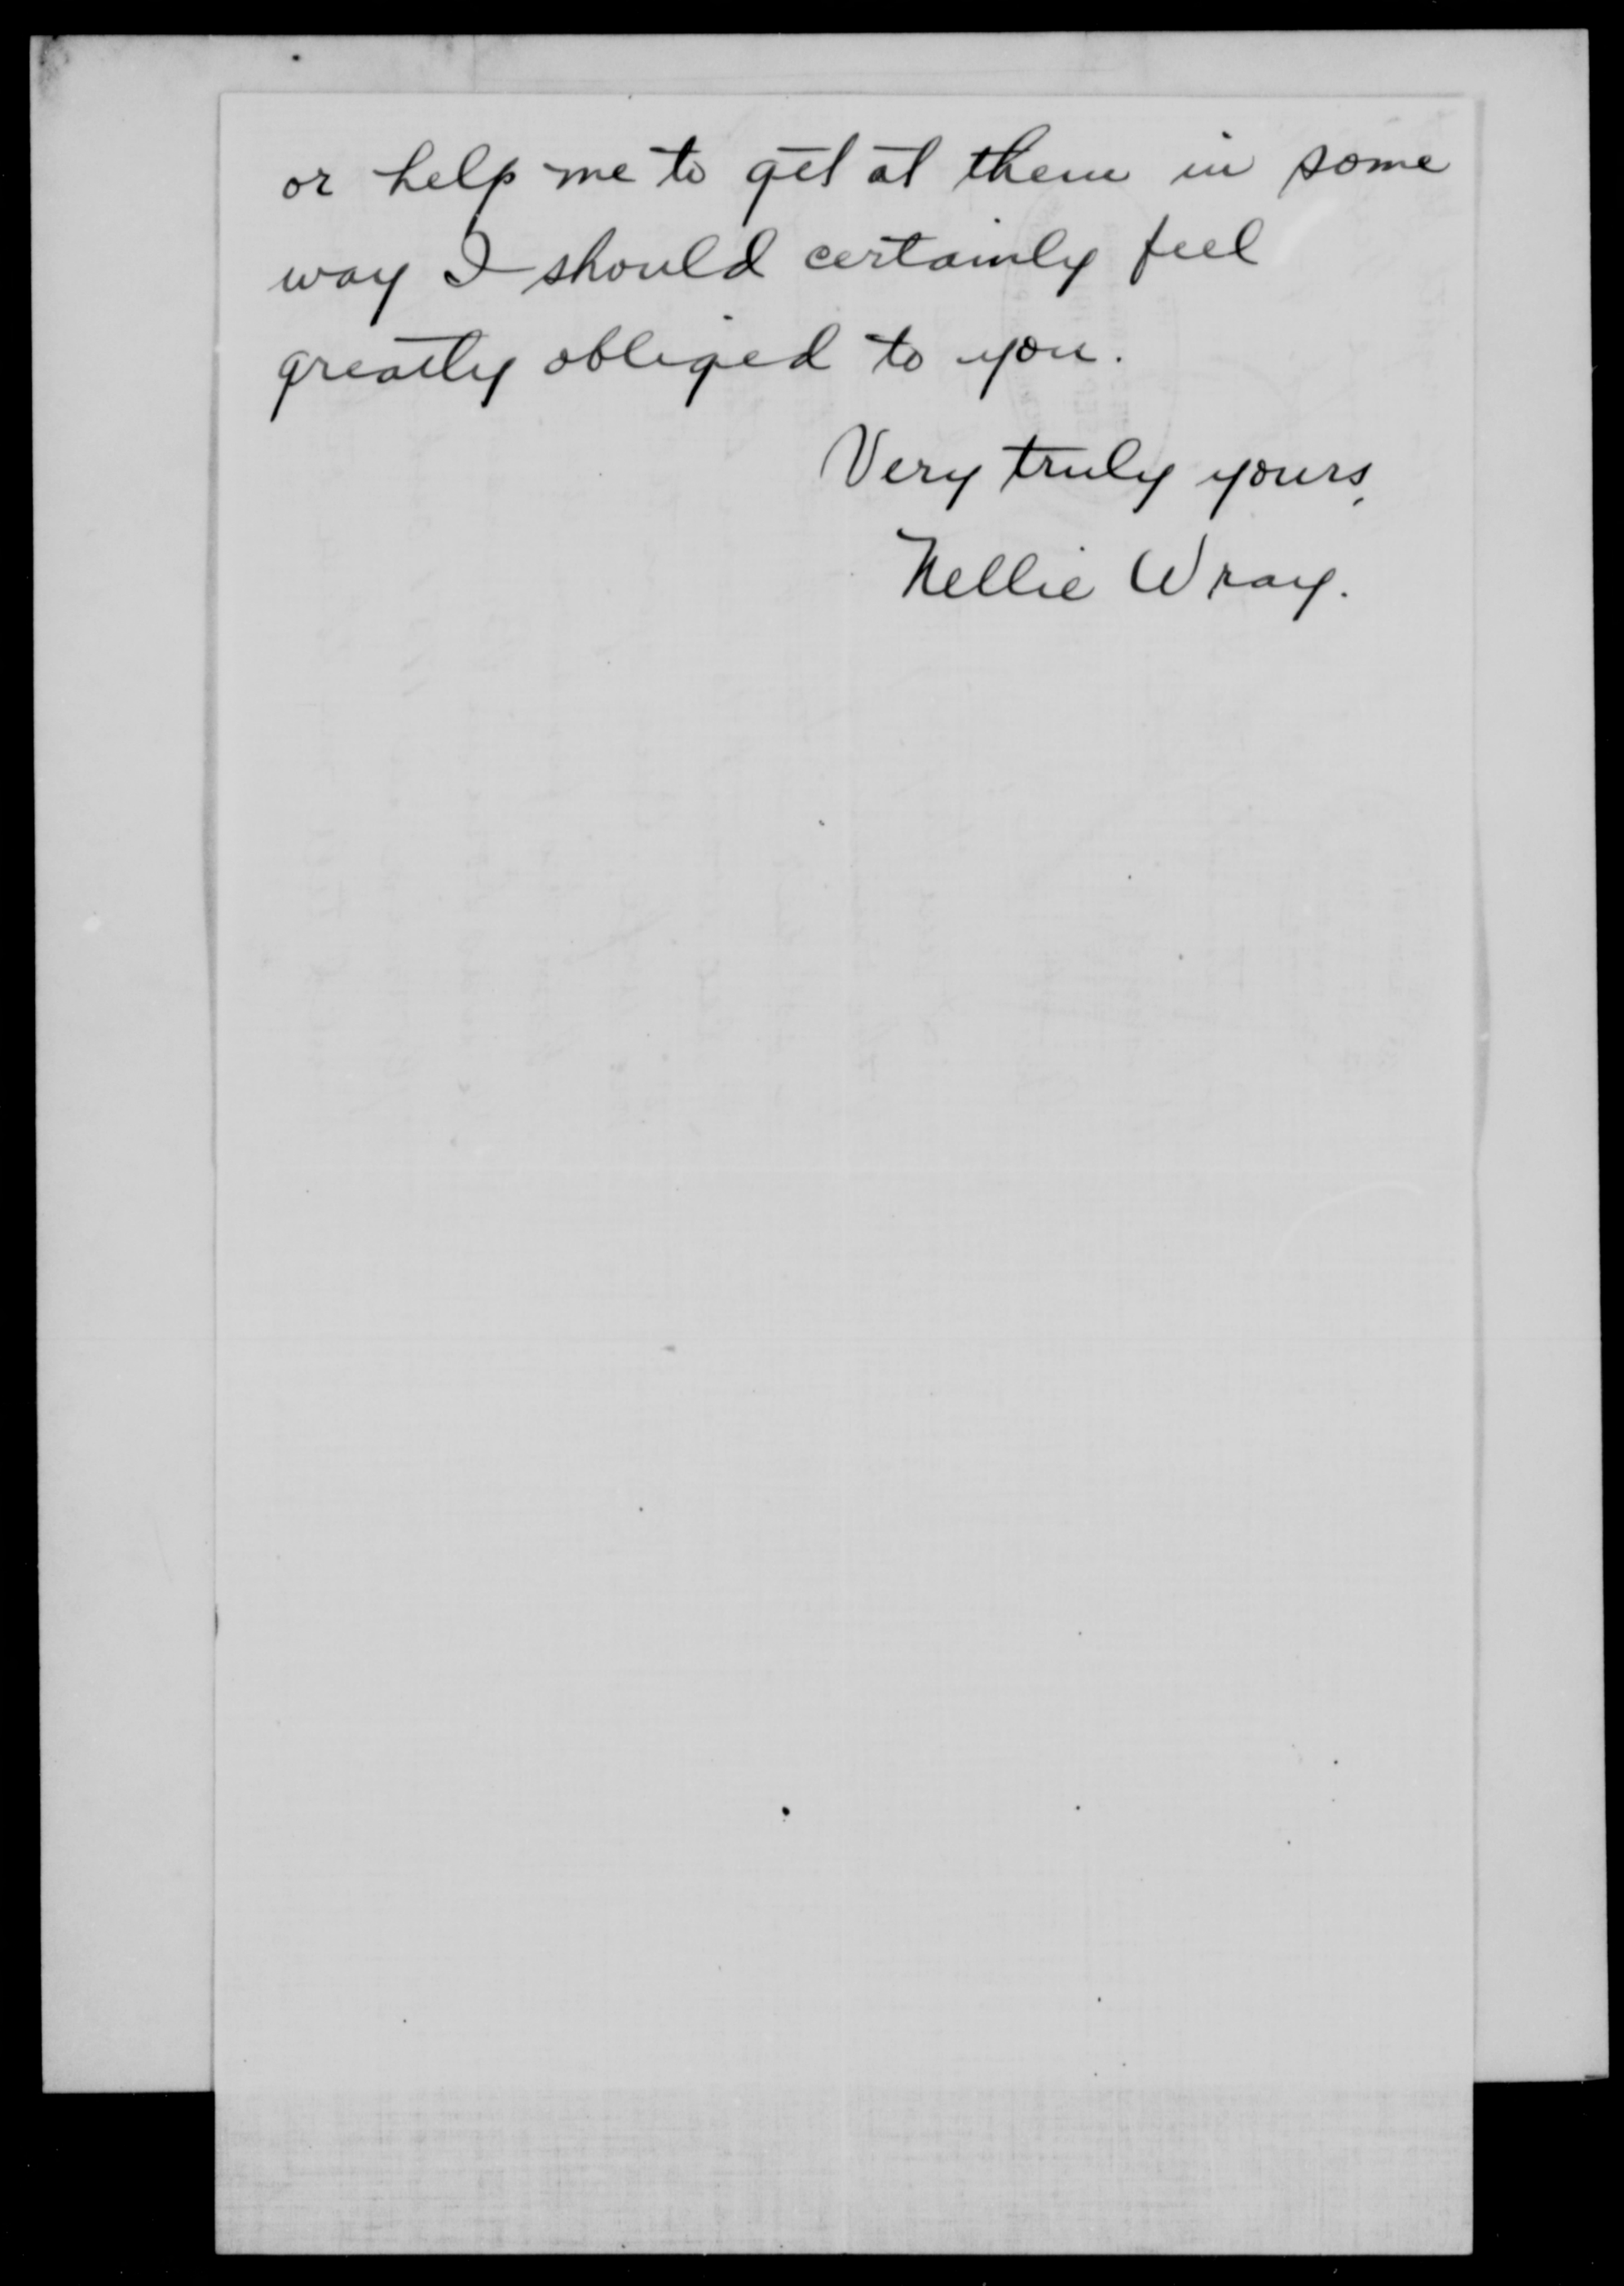or help me to get at them in some
way I should certainly feel
greatly obliged to you.
   Very truly yours,
   Nellie Wray.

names: Nellie Wray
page: 15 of 19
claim: survivor's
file: S. 7,973, David Wray, Va.